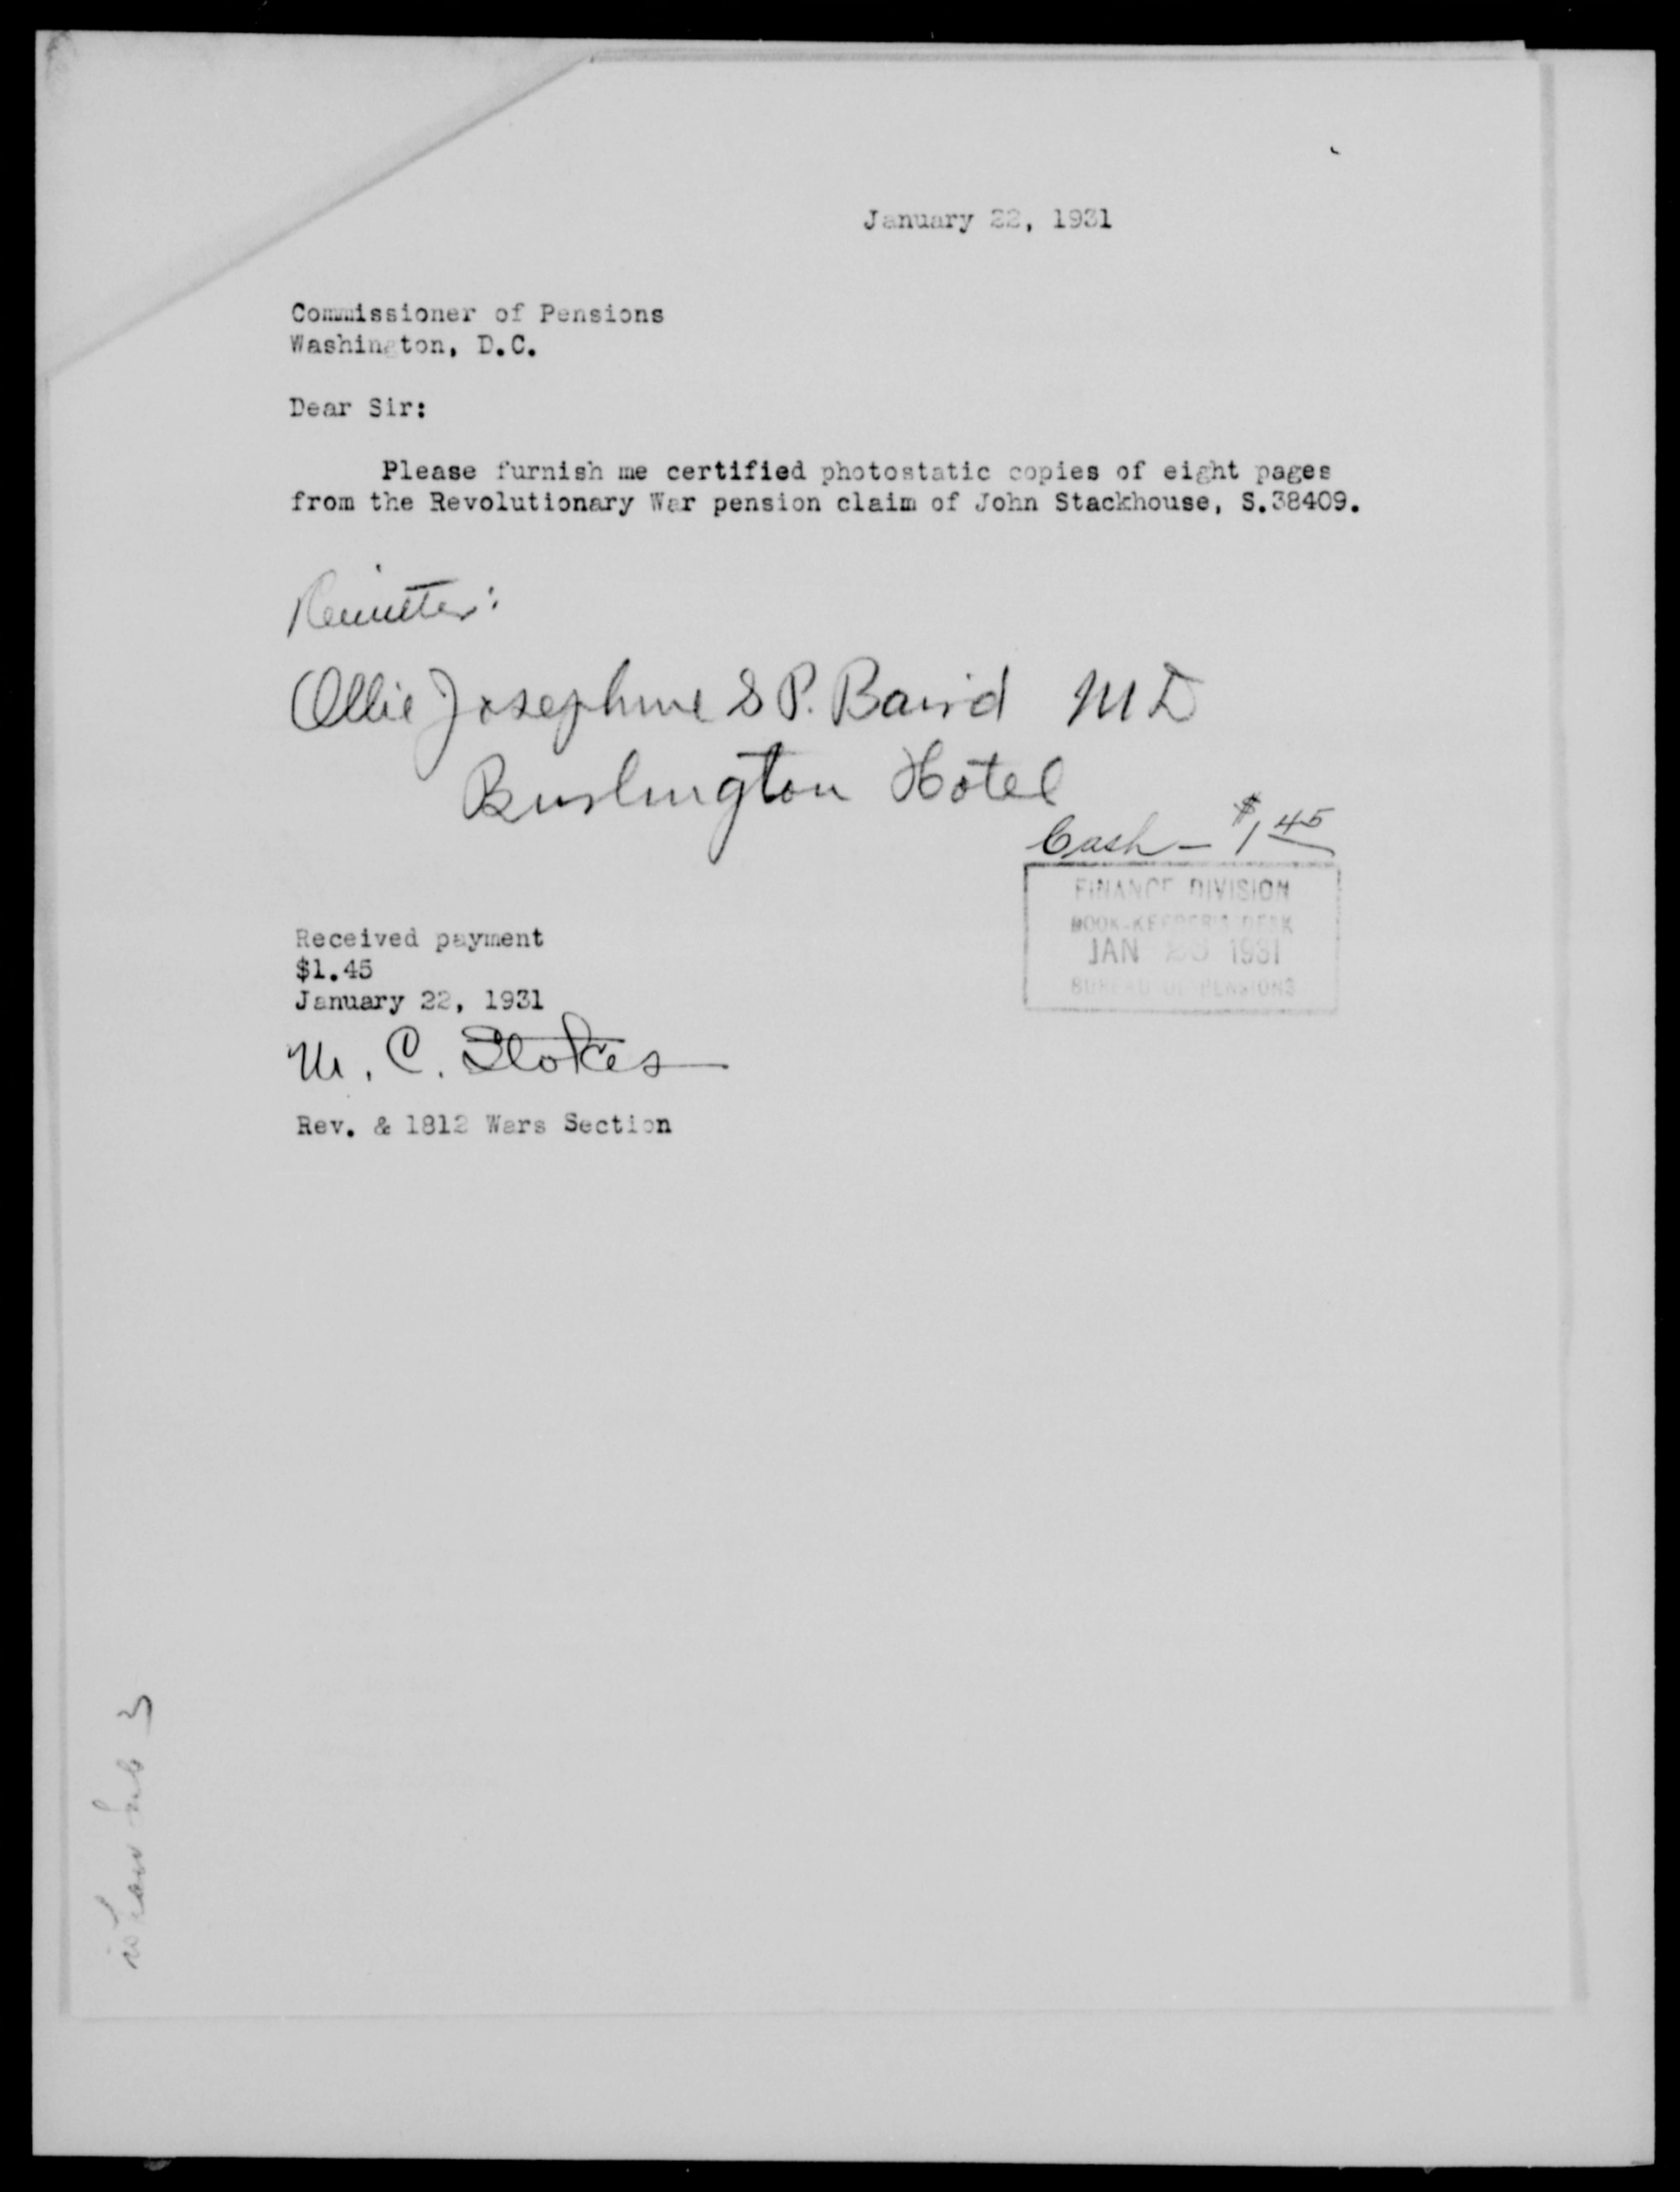January 22, 1931
Commissioner of Pensions
Washington, D.C.
Dear Sir:
Please furnish me certified photostatic copies of eight pages from the Revolutionary War pension claim of John Stackhouse, S.38409.
Remitter:
Ollie Josephine S P. Baird MD
Burlington Hotel
Cash - $1.45
FINANCE DIVISION
Received payment BOOK-KEEPER'S DESK
$1.45 JAN 23 1931
January 22, 1931 BUREAU OF PENSIONS
M. C. Stokes
Rev. & 1812 Wars Section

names: Ollie Josephine S P Baird; M C Stokes; John Stackhouse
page: 15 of 19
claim: survivor's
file: S. 38,409, for John Stackhouse, Virginia